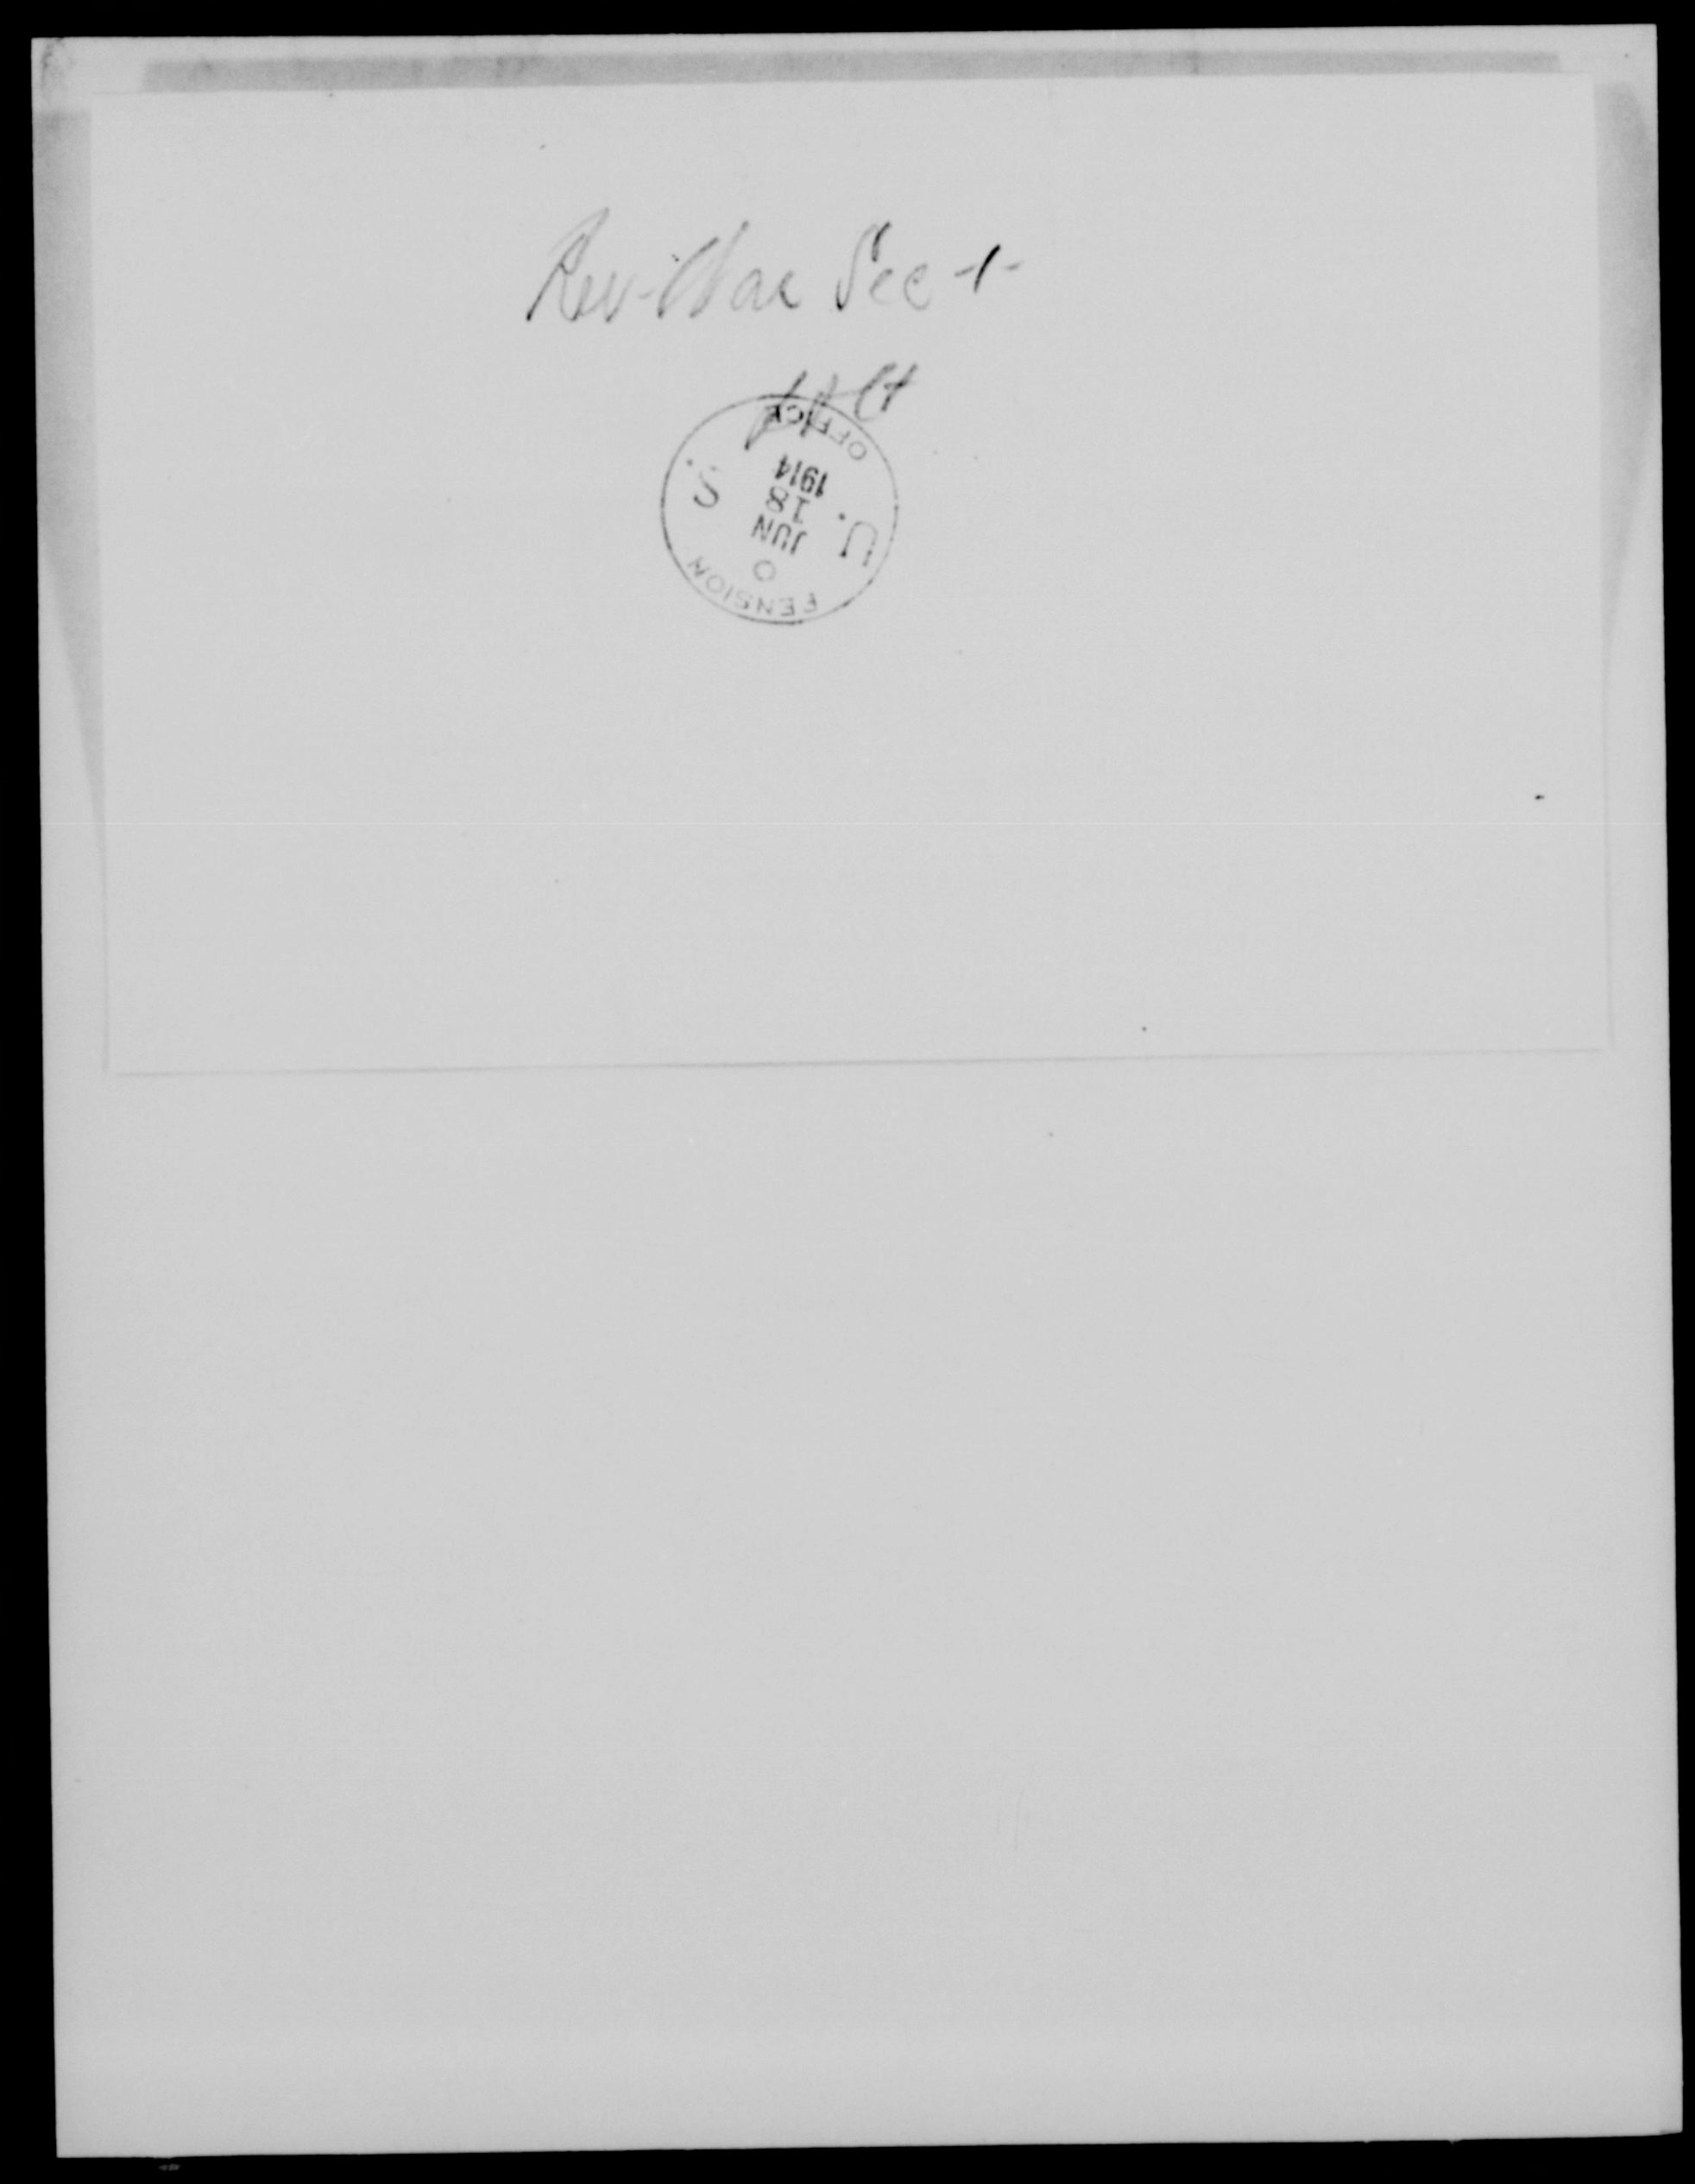Rev. War Sec -1-

U.S. Pension office stamp. Jun 18, 1914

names: [BLANK]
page: 29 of 70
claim: rejected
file: R. 10,026, for Ephraim Squier, Connecticut